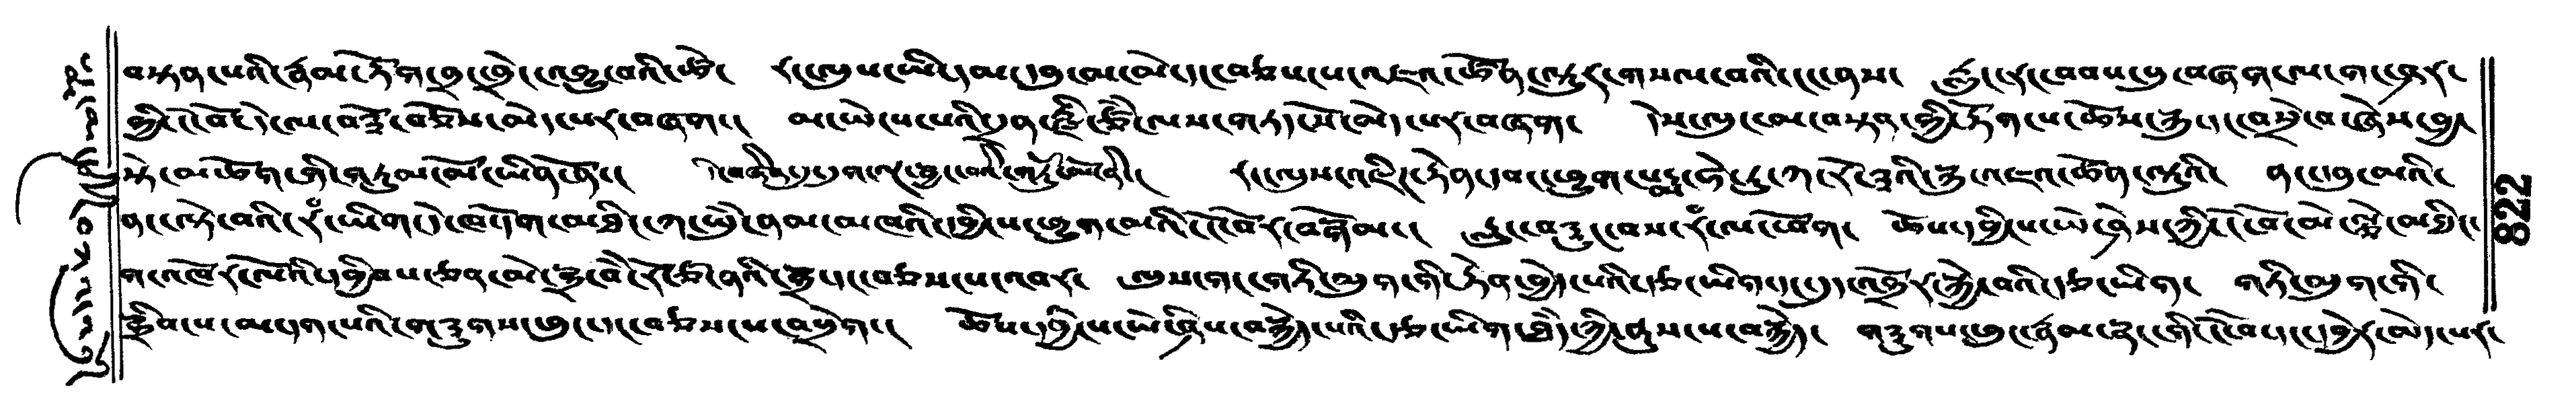བསྟན་པའི་རྣམ་རྟོག་བྲེང་བྲེང་འགྱུ་བའི་ཚེ། རང་ལུས་ཡི་དམ་དབུ་མ་མེ་དང་བཅས་པ་འཇའ་ཚོན་ལྟ་བུར་གསལ་བའི་ངང་ནས། རླུང་རང་བབས་སུ་བཞག་ལ་གང་ཤར་
གྱི་ངོ་བོ་དེ་ལ་བཟོ་བཅོས་མེད་པར་བཞག མ་ཡེངས་པའི་དྲན་རྫི་ཙམ་ལས་གཏད་སོ་མེད་པར་བཞག དེས་ལུང་མ་བསྟན་གྱི་རྟོག་པ་ཆོས་སྐུ་དང་བསྲེ་བ་ཞེས་བྱ་
སྟེ་མཆོག་གི་གཏུམ་མོ་ཡིན་ནོ། དེ་བཞིན་དུ་དུག་ལྔ་སྦྱང་བའི་གཏུམ་མོ་ནི། རང་ལུས་འཇིག་རྟེན་དབང་ཕྱུག་པདྨ་ཧེ་རུ་ཀ་རོ་ཟའི་སྐུ་འཇའ་ཚོན་ལྟ་བུའི་ནང་དབུ་མའི་
ནང་ལྟེ་བའི་རྃ་ཡིག་དེ་ཁ་དོག་མཐིང་ཀ་ཡུམ་ནམ་མཁའི་དབྱིངས་ཕྱུག་མའི་ངོ་བོར་བསྒོམ། རླུང་བཟུང་བས་རྃ་ལ་ཕོག ཆོས་དབྱིངས་ཡེ་ཤེས་ཀྱི་ངོ་བོ་མེ་ལྕེ་མཐིང་
ག་འཁོར་ལོའི་དབྱིབས་ཅན་མེ་སྒྲ་བཻ་རོ་ཙ་ནའི་སྒྲ་དང་བཅས་པ་འབར། ལུས་གང་། གཏི་མུག་གི་རྟེན་བྱེད་པའི་རྩ་ཡིག་དང་དུད་འགྲོར་སྐྱེ་བའི་རྩ་ཡིག གཏི་མུག་གི་
སྒྲིབ་པ་མ་དག་པའི་གཟུགས་ཕུང་དང་བཅས་པ་བསྲེགས། ཆོས་དབྱིངས་ཡེ་ཤེས་བསྐྱེད་པའི་རྩ་ཡིག་ཐམས་ཅད་ཀྱི་ནུས་པ་བསྐྱེད། གཟུགས་ཕུང་རྣམ་སྣང་གི་ངོ་བོ་དང་དབྱེར་མེད་པར་